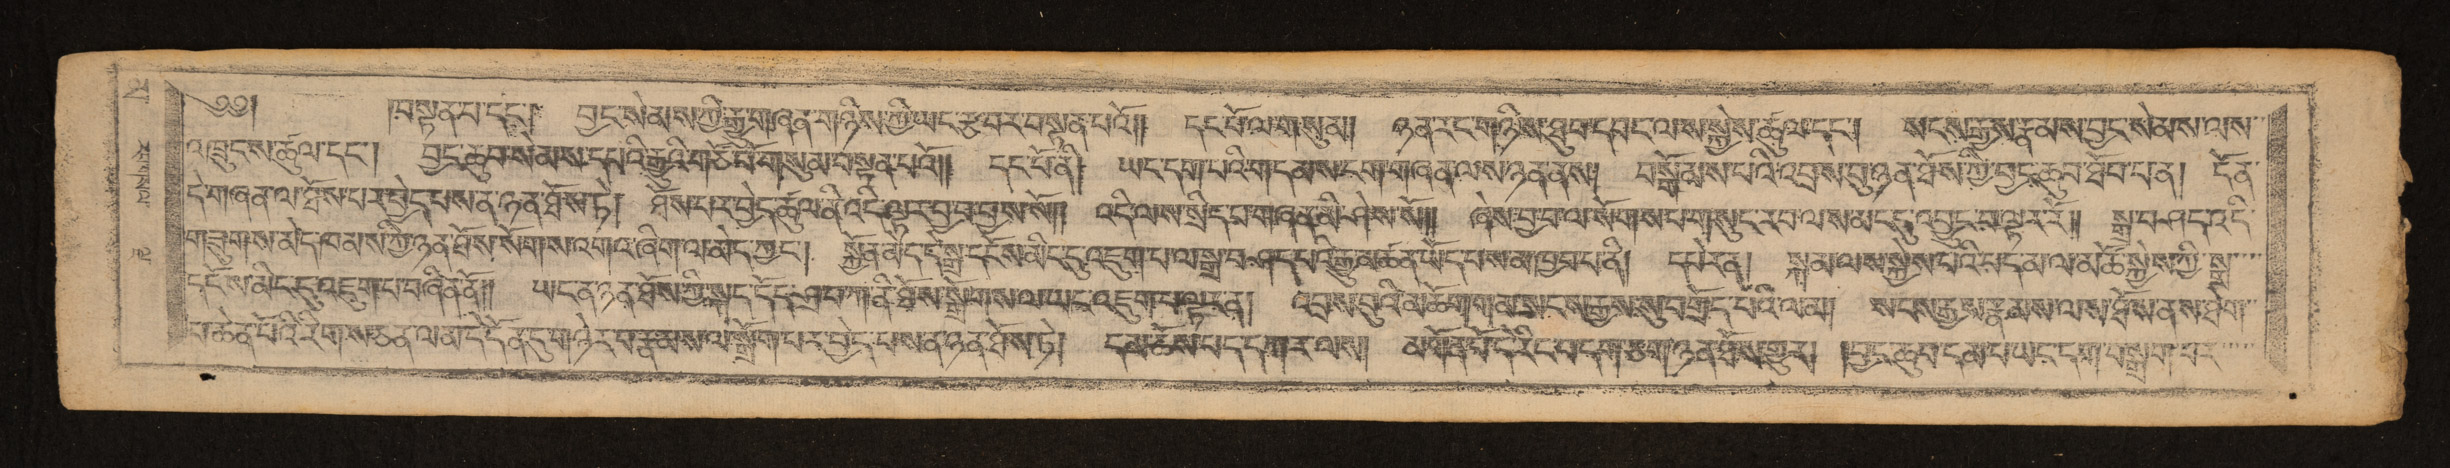༄༅། །བསྟན་པ་དང་། བྱང་སེམས་ཀྱི་རྒྱུ་གཞན་གཉིས་ཀྱི་ཡང་རྩ་བར་བསྟན་པའོ།། དང་པོ་ལ་གསུམ། ཉན་རང་གཉིས་ཐུབ་དབང་ལས་སྐྱེས་ཚུལ་དང་། སངས་རྒྱས་རྣམས་བྱང་སེམས་ལས་
འཁྲུངས་ཚུལ་དང་། བྱང་ཆུབ་སེམས་དཔའི་རྒྱུའི་གཙོ་བོ་གསུམ་བསྟན་པའོ།། དང་པོ་ནི། ཡང་དག་པའི་གདམས་ངག་གཞན་ལས་ཉན་ནས། བསྒོམས་པའི་འབྲས་བུ་ཉན་ཐོས་ཀྱི་བྱང་ཆུབ་ཐོབ་པ་ན། དོན་
དེ་གཞན་ལ་ཐོས་པར་བྱེད་པས་ན་ཉན་ཐོས་ཏེ། ཐོས་པར་བྱེད་ཚུལ་ནི་འདི་ལྟར་བྱ་བ་བྱས་སོ།། འདི་ལས་སྲིད་པ་གཞན་མི་ཤེས་སོ།། ཞེས་བྱ་བ་ལ་སོགས་པ་གསུང་རབ་ལས་མང་དུ་འབྱུང་བ་ལྟར་རོ།། སྒྲ་བཤད་འདི་
གཟུགས་མེད་ཁམས་ཀྱི་ཉན་ཐོས་སོགས་འགའ་ཞིག་ལ་མེད་ཀྱང་། སྐྱོན་མེད་དེ་སྒྲ་དངོས་མིང་དུ་འཇུག་པ་ལ་སྒྲ་བཤད་པའི་རྒྱུ་མཚན་ཡོད་པས་མ་ཁྱབ་པ་ནི། དཔེར་ན། སྐམ་ལས་སྐྱེས་པའི་པད་མ་ལ་མཚོ་སྐྱེས་ཀྱི་སྒྲ་
དངོས་མིང་དུ་འཇུག་པ་བཞིན་ནོ།། ཡང་ན་ཉན་ཐོས་ཀྱི་སྐད་དོད་ཤྲ་བ་ཀ་ནི་ཐོས་སྒྲོགས་ལ་ཡང་འཇུག་པ་ལྟར་ན། འབྲས་བུའི་མཆོག་གམ་སངས་རྒྱས་སུ་བགྲོད་པའི་ལམ། སངས་རྒྱས་རྣམས་ལས་ཐོས་ནས་ཐེག་
པ་ཆེན་པོའི་རིགས་ཅན་ལམ་དེ་དོན་དུ་གཉེར་བ་རྣམས་ལ་སྒྲོག་པར་བྱེད་པས་ན་ཉན་ཐོས་ཏེ། དམ་ཆོས་པད་དཀར་ལས། མགོན་པོ་དེ་རིང་བདག་ཅག་ཉན་ཐོས་གྱུར། །བྱང་ཆུབ་དམ་པ་ཡང་དག་བསྒྲག་པར་